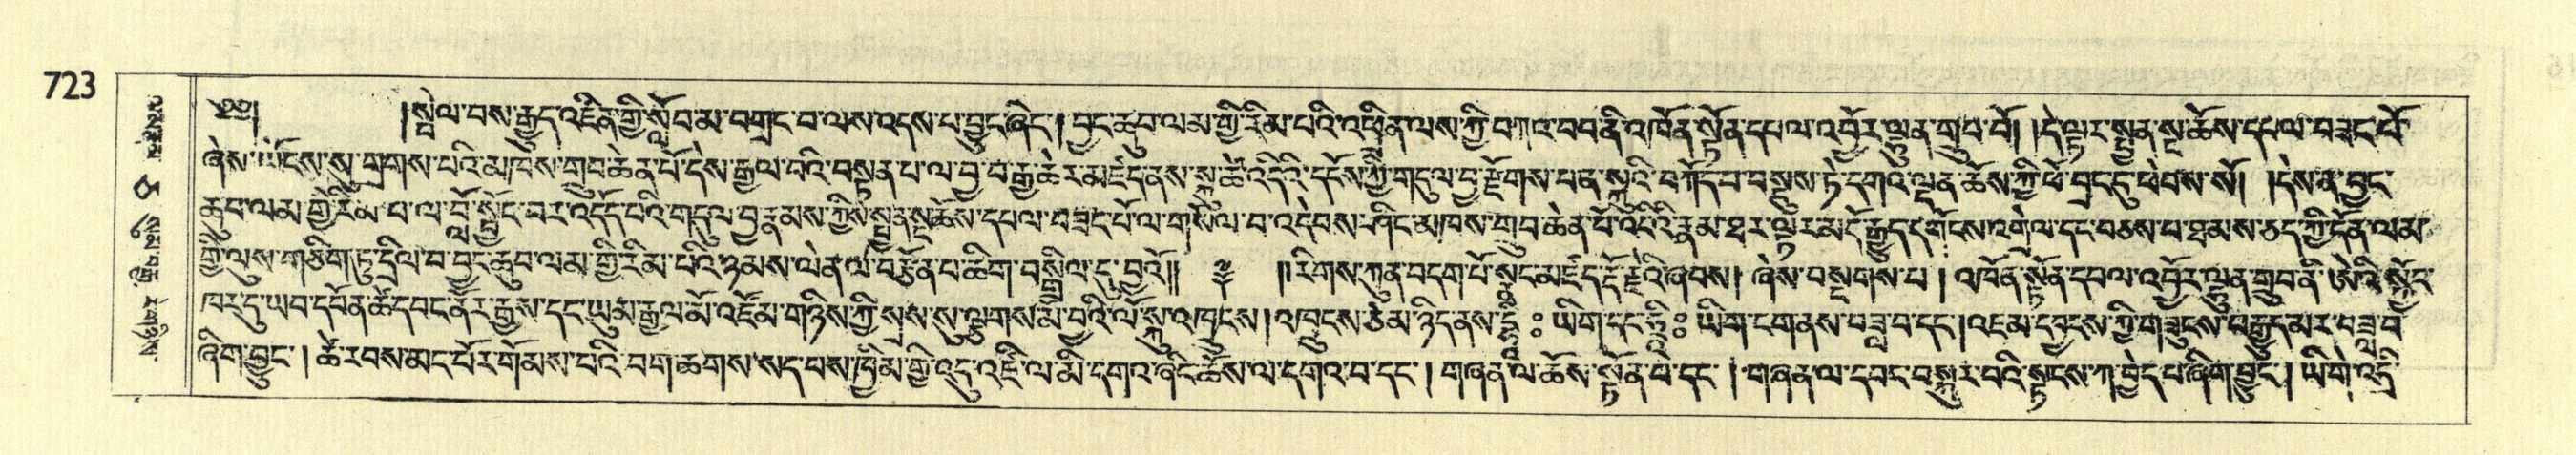༄༅། །སྤེལ་བས་རྒྱུད་འཛིན་གྱི་སློབ་མ་བགྲང་བ་ལས་འདས་པ་བྱུང་ཞིང་། བྱང་ཆུབ་ལམ་གྱི་རིམ་པའི་འཕྲིན་ལས་ཀྱི་བཀའ་བབ་ནི་འཁོན་སྟོན་དཔལ་འབྱོར་ལྷུན་གྲུབ་བོ། །དེ་ལྟར་སྤྱན་སྔ་ཆོས་དཔལ་བཟང་པོ་
ཞེས་ཡོངས་སུ་གྲགས་པའི་མཁས་གྲུབ་ཆེན་པོ་དེས་རྒྱལ་བའི་བསྟན་པ་ལ་བྱ་བ་རྒྱ་ཆེར་མཛད་ནས་སྐུ་ཚེ་འདིའི་དངོས་ཀྱི་གདུལ་བྱ་རྫོགས་པ་ན་སྐུའི་བཀོད་པ་བསྡུས་ཏེ་དགའ་ལྡན་ཆོས་ཀྱི་ཕོ་བྲང་དུ་ཕེབས་སོ། །དེས་ན་བྱང་
ཆུབ་ལམ་གྱི་རིམ་པ་ལ་བློ་སྦྱོང་བར་འདོད་པའི་གདུལ་བྱ་རྣམས་ཀྱིས་སྤྱན་སྔ་ཆོས་དཔལ་བཟང་པོ་ལ་གསོལ་བ་འདེབས་ཤིང་མཁས་གྲུབ་ཆེན་པོ་འདིའི་རྣམ་ཐར་ལྟར་མདོ་རྒྱུད་དགོངས་འགྲེལ་དང་བཅས་པ་ཐམས་ཅད་ཀྱི་དོན་ལམ་
གྱི་ལུས་གཅིག་ཏུ་དྲིལ་བ་བྱང་ཆུབ་ལམ་གྱི་རིམ་པའི་ཉམས་ལེན་ལ་བརྩོན་པ་ཚིག་བསྒྲིལ་དུ་བྱའོ།། ༈ །།རིགས་ཀུན་བདག་པོ་སྣང་མཛད་རྡོ་རྗེའི་ཞབས། ཞེས་བསྔགས་པ། འཁོན་སྟོན་དཔལ་འབྱོར་ལྷུན་གྲུབ་ནི་ཨེའི་སྐྱོང་
ཁར་དུ་ཡབ་དབོན་ཚེ་དབང་ནོར་རྒྱས་དང་ཡུམ་རྒྱལ་མོ་འཛོམ་གཉིས་ཀྱི་སྲས་སུ་ལྕགས་མོ་བྱའི་ལོ་སྐུ་འཁྲུངས། འཁྲུངས་ཙམ་ཉིད་ནས་དྷཱིཿ ཡིག་དང་ཧྲཱིཿ ཡིག་ངག་ནས་བཟླ་བ་དང་། འཇམ་དབྱངས་ཀྱི་གཟུངས་བརྒྱུད་མར་བཟླ་བ་
ཞིག་བྱུང་། ཚེ་རབས་མང་པོར་གོམས་པའི་བག་ཆགས་སད་པས་ཁྱིམ་གྱི་འདུ་འཛིན་ལ་མི་དགའ་ཞིང་ཆོས་ལ་དགའ་བ་དང་། གཞན་ལ་ཆོས་སྟོན་པ་དང་། གཞན་ལ་དབང་བསྐུར་བའི་སྟངས་ཀ་བྱེད་པ་ཞིག་བྱུང་། ཡི་གེ་འདྲི་